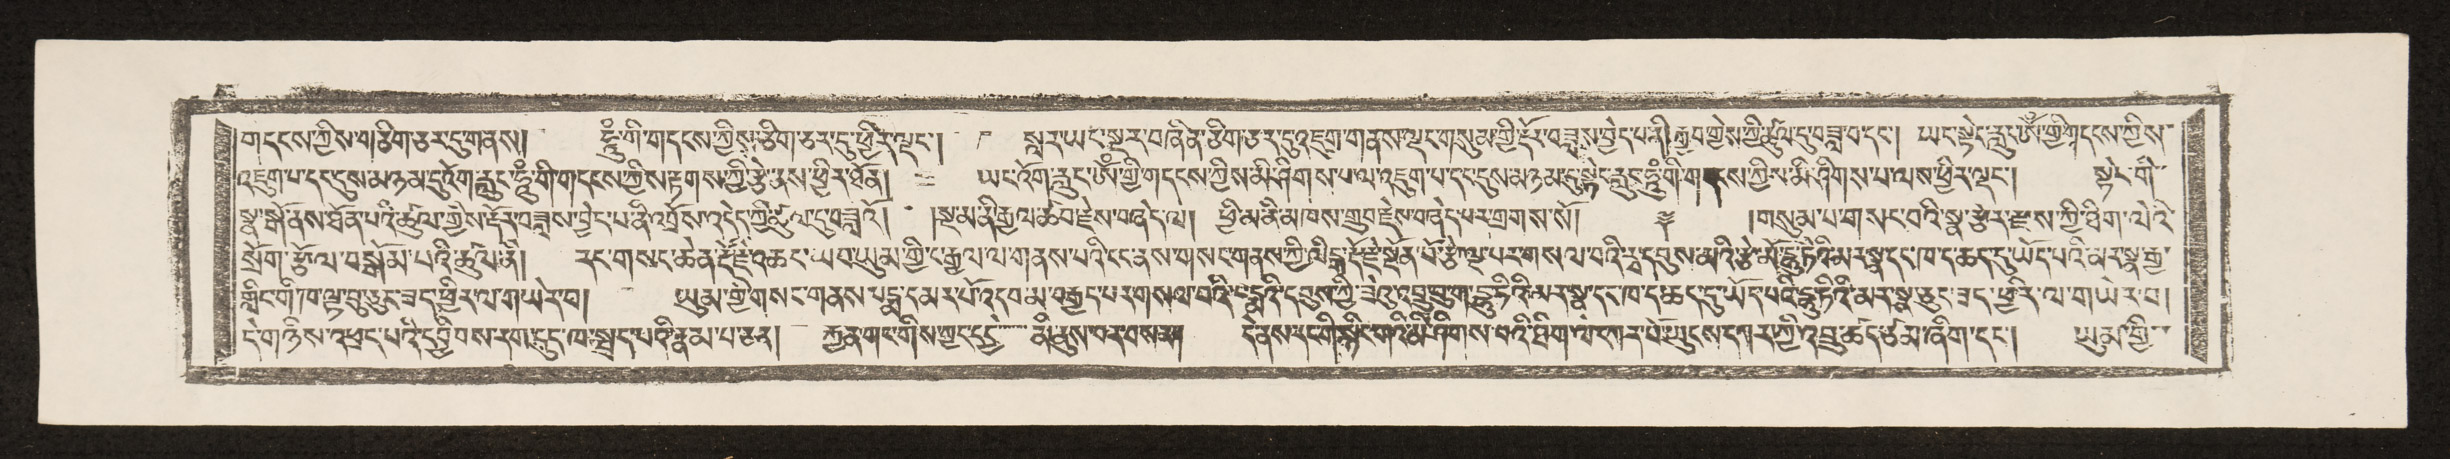གདངས་ཀྱིས་གཅིག་ཅར་དུ་གནས། ཧཱུཾ་གི་གདངས་ཀྱིས་ཅིག་ཅར་དུ་ཕྱིར་ལྡང་། སླར་ཡང་སྔར་བཞིན་ཅིག་ཅར་དུ་འཇུག་གནས་ལྡང་གསུམ་གྱི་རྡོར་བཟླས་བྱེད་པ་ནི། རྒྱབ་གྱེས་ཀྱི་ཚུལ་དུ་བཟླ་བ་དང་། ཡང་སྟེང་རླུང་ཨོཾ་གྱི་གདངས་ཀྱིས་
འཇུག་པ་དང་དུས་མཉམ་དུ་འོག་རླུང་ཧཱུཾ་གི་གདངས་ཀྱིས་རྟགས་ཀྱི་རྩེ་ནས་ཕྱིར་ཐོན། ཡང་འོག་རླུང་ཨོཾ་གྱི་གདངས་ཀྱིས་མི་ཤིགས་པ་ལ་འཇུག་པ་དང་དུས་མཉམ་དུ་སྟེང་རླུང་ཧཱུཾ་གི་གདངས་ཀྱིས་མི་ཤིགས་པ་ལས་ཕྱིར་ལྡང་། སྟེང་གི་
སྣ་སྒོ་ནས་ཐོན་པའི་ཚུལ་གྱིས་རྡོར་བཟླས་བྱེད་པ་ནི་འཕྲོས་འདེད་ཀྱི་ཚུལ་དུ་བཟླའོ། །སྔ་མ་ནི་རྒྱལ་ཚབ་རྗེས་བཞེད་ལ། ཕྱི་མ་ནི་མཁས་གྲུབ་རྗེས་བཞེད་པར་གྲགས་སོ། ༈ །གསུམ་པ་གསང་བའི་སྣ་རྩེར་རྫས་ཀྱི་ཐིག་
ལེའི་སྲོག་རྩོལ་བསྒོམ་པའི་ཚུལ་ནི། རང་གསང་ཆེན་རྡོ་རྗེ་འཆང་ཡབ་ཡུམ་གྱི་ང་རྒྱལ་ལ་གནས་པའི་ངང་ནས་གསང་གནས་ཀྱི་ལིངྒ་རྡོ་རྗེ་སྔོན་པོ་རྩེ་ལྔ་བར་གསལ་བའི་རྭ་དབུས་མའི་རྩེ་མོ་དྷུ་ཏིའི་མར་སྣ་དང་ཁང་ཆད་དུ་ཡོད་པའི་མར་སྣ་རྒྱ་
གླིང་གི་ཁ་ལྟ་བུ་ཅུང་ཟད་ཕྱིར་ལ་གཡེར་བ། ཡུམ་གྱི་གསང་གནས་པདམ་དམར་པོ་འདབ་མ་བརྒྱད་པར་གསལ་བའི་པདམའི་དབུས་ཀྱི་ཟེའ་འབྲུ་བུ་ག་དྷུ་ཏིའི་མར་སྣ་དང་ཁང་ཆད་དུ་ཡོད་པའི་དྷུ་ཏིའི་མར་སྣ་ཅུང་ཟད་ཕྱིར་ལ་གཡེར་
བ༑ དེ་གཉིས་འཕྲད་པའི་དབྱིབས་རག་དུང་ཁ་སྤྲད་པའི་རྣམ་པ་ཅན། རྐྱེན་གང་གིས་ཀྱང་དབྱེ་མི་ནུས་པར་བསམ། དེ་ནས་རང་གི་སྙིང་གའི་མི་ཤིགས་པའི་ཐིག་ལེ་དཀར་པོ་ཡུངས་དཀར་གྱི་འབྲུ་ཚད་ཙམ་ཞིག་དང་། ཡུམ་གྱི་